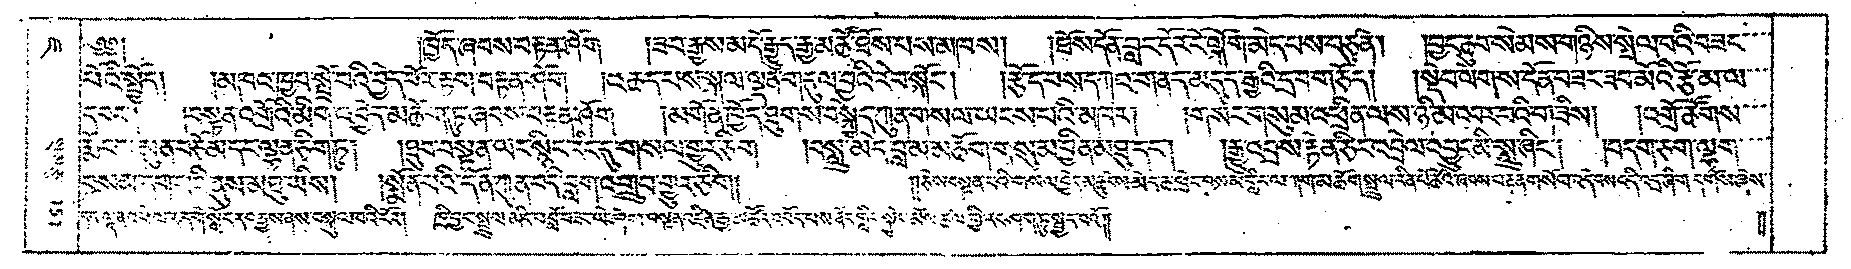༄༅། །ཁྱོད་ཞབས་བརྟན་ཤོག །ཟབ་རྒྱས་མདོ་རྒྱུད་རྒྱ་མཚོ་ཐོས་པས་མཁས། །ཐོས་དོན་བླང་དོར་ངོ་ལྐོག་མེད་པས་བཙུན། །བྱང་ཆུབ་སེམས་གཉིས་སྤེལ་བའི་བཟང་
པོའི་སྤྱོད། །མཁའ་ཁྱབ་སྤྲོ་བའི་བྱེད་པོར་རྟག་བརྟན་ཤོག །འཆད་པས་སྐལ་ལྡན་གདུལ་བྱའི་རེ་བ་སྐོང་། །རྩོད་པས་དཀའ་གནད་མདུད་རྒྱའི་དྲ་བ་གཅོད། །སྡེབ་ལེགས་དོན་བཟང་ཟབ་མོའི་རྩོམ་ལ་
དབང་། །བསྟན་འགྲོའི་མིག་འབྱེད་མཆོག་ཏུ་ཞབས་བརྟན་ཤོག །མགོན་ཁྱོད་ཐུགས་བསྐྱེད་ཀུན་གསལ་ཡངས་པའི་མཁར། །གསང་གསུམ་འཕྲིན་ལས་ཉི་མ་འབར་བའི་གཟིས། །འགྲོ་ཚོགས་
རྨོངས་མུན་བཅོམ་དང་ལྷན་ཅིག་ཏུ། །ཐུབ་བསྟན་ཡང་སྙིང་རིང་དུ་གསལ་གྱུར་ཅིག །བསླུ་མེད་བླ་མ་མཆོག་གསུམ་བྱིན་མཐུ་དང་། །རྒྱུ་འབྲས་རྟེན་ཅིང་འབྲེལ་འབྱུང་མི་སླུ་ཞིང་། །བདག་ཅག་ལྷག་
བསམ་དག་པའི་ནུས་མཐུ་ཡིས། །སྨོན་པའི་དོན་ཀུན་བདེ་བླག་འགྲུབ་གྱུར་ཅིག ། །།ཅེས་བསྟན་པའི་གསལ་བྱེད་མཚུངས་མེད་ཆ་ཕྲེང་བསམ་གླིང་ལ་ཀག་མཆོག་སྤྲུལ་རིན་པོ་ཆེའི་ཞབས་བརྟན་གསོལ་འདེབས་འདི་འདྲ་ཞིག་དགོས་ཞེས་
དད་ལྡན་འཕེལ་ར་དགེ་སློང་རབ་རྒྱས་ནས་བསྐུལ་བའི་ངོར། །ཁྲི་བྱང་སྤྲུལ་མིང་པ་བློ་བཟང་ཡེ་ཤེས་བསྟན་འཛིན་རྒྱ་མཚོར་འབོད་པས་ནོར་གླིང་སྐྱེད་མོས་ཚལ་གྱི་རང་ཤག་ཏུ་སྦྱར་བའོ།། །།